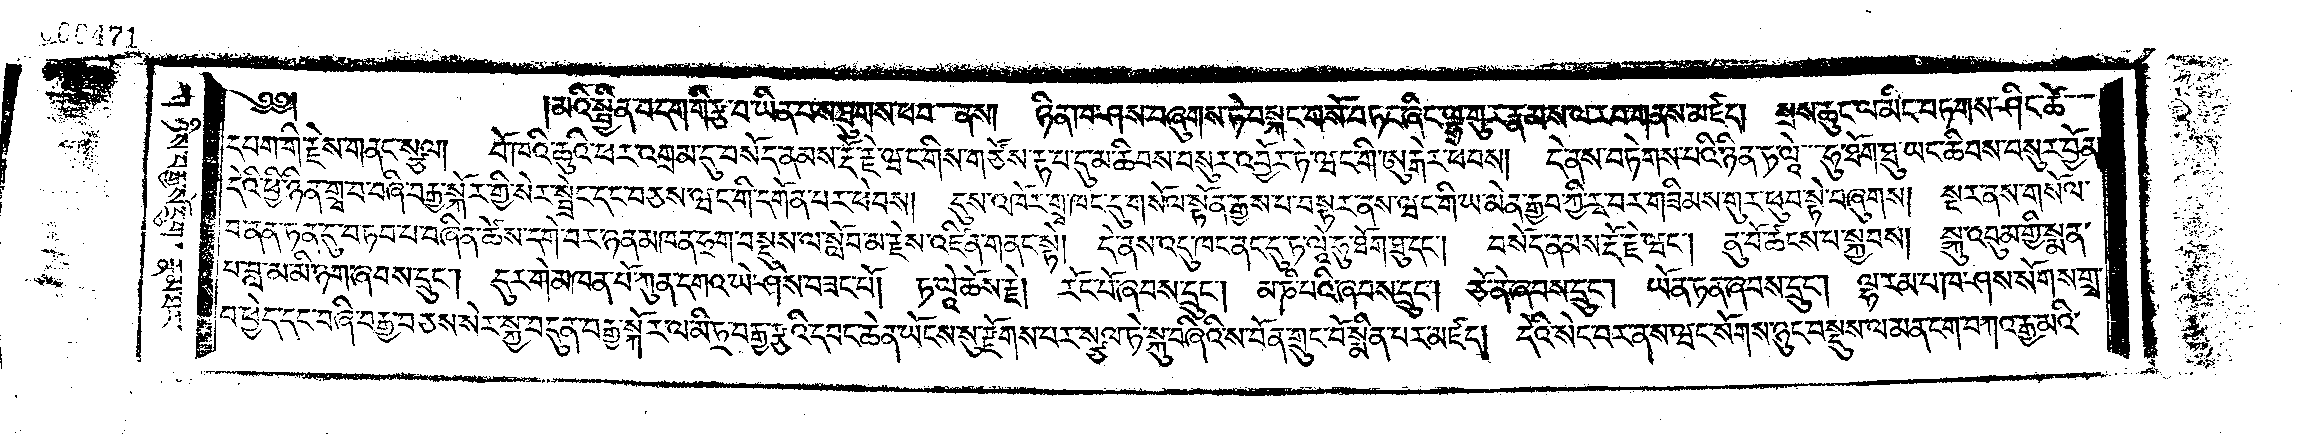༄༅། །མའི་སྦྱིན་བདག་གི་རྩ་བ་ཡིན་པས་ཐུགས་ཕབ་ནས། ཉིན་ཁ་ཤས་བཞུགས་ཏེ་བསྐང་གསོ་བཏང་ཞིང་ལྷ་གུར་རྣམས་ལ་རབ་གནས་མཛད། སྲས་ཆུང་ལ་མིང་བཏགས་ཤིང་ཚེ་
དཔག་གི་རྗེས་གནང་སྩལ། བོ་ཁའི་ཆུའི་ཕར་འགྲམ་དུ་བསོད་ནམས་རྡོ་རྗེ་ཝང་གིས་གཙོས་རྟ་པ་དུ་མ་ཆིབས་བསུར་འབྱོར་ཏེ་ཝང་གི་ཨུརྒེར་ཕེབས། དེ་ནས་བཏེགས་པའི་ཉིན་ཏ་ལE་ཧུ་ཐོག་ཐུ་ཡང་ཆིབས་བསུར་བྱོན་
དེའི་ཕྱི་ཉིན་གྲྭ་བ་བཞི་བརྒྱ་སྐོར་གྱི་སེར་སྤྲེང་དང་བཅས་ཝང་གི་དགོན་པར་ཕེབས། དུས་འཁོར་གྲྭ་ཁང་དུ་གསོལ་སྟོན་རྒྱས་པ་བསྟར་ནས་ཝང་གི་ཡ་མེན་རྒྱབ་ཀྱི་རྭ་བར་གཟིམས་གུར་ཕུབ་སྟེ་བཞུགས། སྔར་ནས་གསོལ་
བ་ནན་ཏན་དུ་བཏབ་པ་བཞིན་ཆོས་དགེ་བར་ཉན་མཁན་ཧྲག་བསྡུས་ལ་སློབ་མ་རྗེས་འཛིན་གནང་སྟེ། དེ་ནས་འདུ་ཁང་ནང་དུ་ཏ་ལE་ཧུ་ཐོག་ཐུ་དང་། བསོད་ནམས་རྡོ་རྗེ་ཝང་། ནུ་བོ་ཚངས་པ་སྐྱབས། སྐུ་འབུམ་གྱི་སྨན་
པ་བླ་མ་མི་ཉག་ཞབས་དྲུང་། དུར་གེ་མཁན་པོ་ཀུན་དགའ་ཡེ་ཤིས་བཟང་པོ། ཏ་ལE་ཆོས་རྗེ། རོང་པོ་ཞབས་དྲུང་། མ་ཎི་པའི་ཞབས་དྲུང་། ཅོ་ནེ་ཞབས་དྲུང་། ཡོན་ཏན་ཞབས་དྲུང་། ལྷ་རམ་པ་ཁ་ཤས་སོགས་གྲྭ་
བ་ཕྱེད་དང་བཞི་བརྒྱ་བཅས་སེར་སྐྱ་བདུན་བརྒྱ་སྐོར་ལ་མི་ཏྲ་བརྒྱ་རྩའི་དབང་ཆེན་ཡོངས་སུ་རྫོགས་པར་སྩལ་ཏེ་སྐུ་བཞིའི་ས་བོན་གྲུང་བོ་སྨིན་པར་མཛད། དེའི་སེང་བར་ནས་ཝང་སོགས་ཉུང་བསྡུས་ལ་མན་ངག་བཀའ་རྒྱ་མའི་